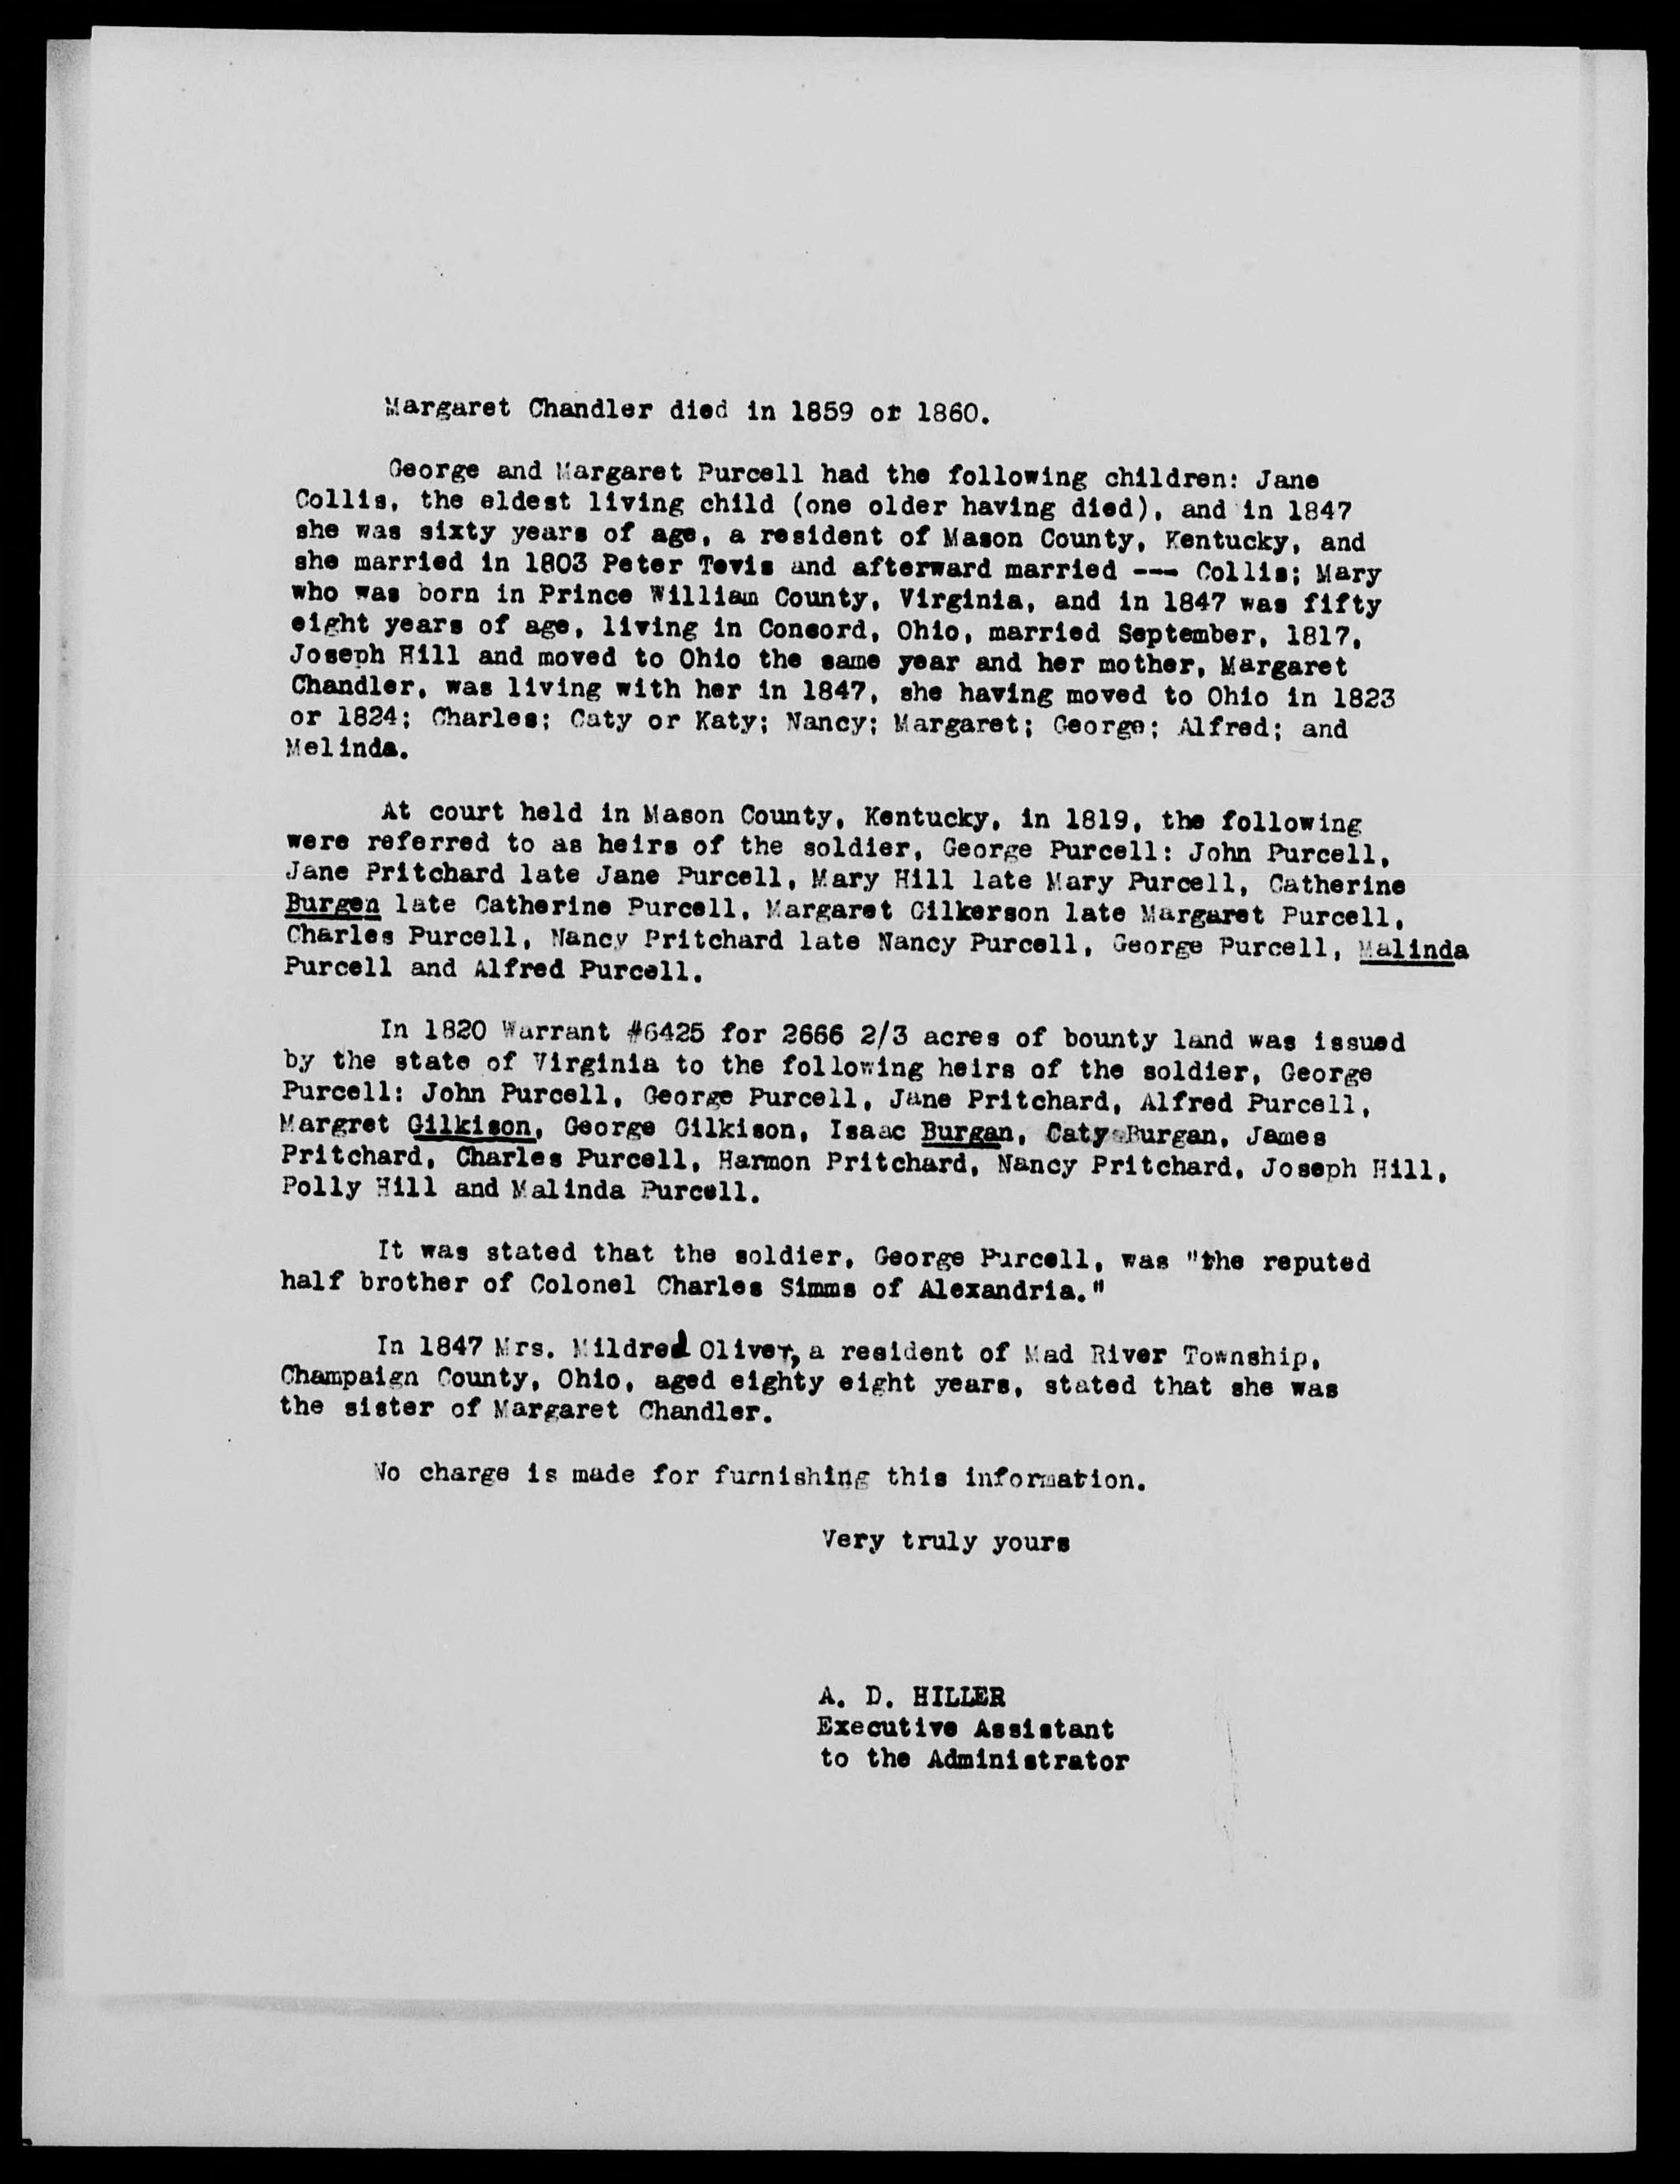Margaret Chandler died in 1859 or 1860.
George and Margaret Purcell had the following children: Jane Collis, the eldest living child (one older having died) , and in 1847 she was sixty years of age, a resident of Mason County, Kentucky, and she married in 1803 Peter Tevis and afterward married - Collis; Mary who was born in Prince William County, Virginia, and in 1847 was fifty eight years of age, living in Concord, Ohio, married September, 1817, Joseph Hill and moved to Ohio the same year and her mother, Margaret Chandler, was living with her in 1847, she having moved to Ohio in 1823 or 1824; Charles; Caty or Katy; Nancy; Margaret; George; Alfred; and Melinda
At Court held in Mason County, Kentucky, in 1819, the following were referred to as heirs of the soldier, George Purcell: John Purcell, Jane Pritchard late Jane Purcell, Mary Hill late Mary Purcell, Catherine Burgen late Catherine Purcell, Margaret Gilkerson late Margaret Purcell, Charles Purcell, Nancy Pritchard late Nancy Purcell, George Purcell, Malinda Purcell and Alfred Purcell,
In 1820 Warrant #6425 for 2666 2/3 acres of bounty land was issued by the state of Virginia to the following heirs of the soldier, George Purcell: John Purcell, George Purcell, Jane Pritchard, Alfred Purcell, Margret Gilkison, George Gilkison, Isaac Burgan, Caty Burgan, James Pritchard, Charles Purcell, Harmon Pritchard, Nancy Pritchard, Joseph Hill, Polly Hill and Malinda Purcell,
It was stated that the soldier, George Purcell, was the reputed half brother of Colonel Charles Simms of Alexandria."
In 1847 Mrs. Mildred Oliver, a resident of Mad River Township, Champaign County, Ohio, aged eighty eight years, stated that she was the sister of Margaret Chandler.
No charge is made for furnishing this information.
Very truly yours
A. D. HILLER
Executive Assistant
to the Administrator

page: 19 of 86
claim: widow's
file: W. 6661, for George Purcell, Virginia